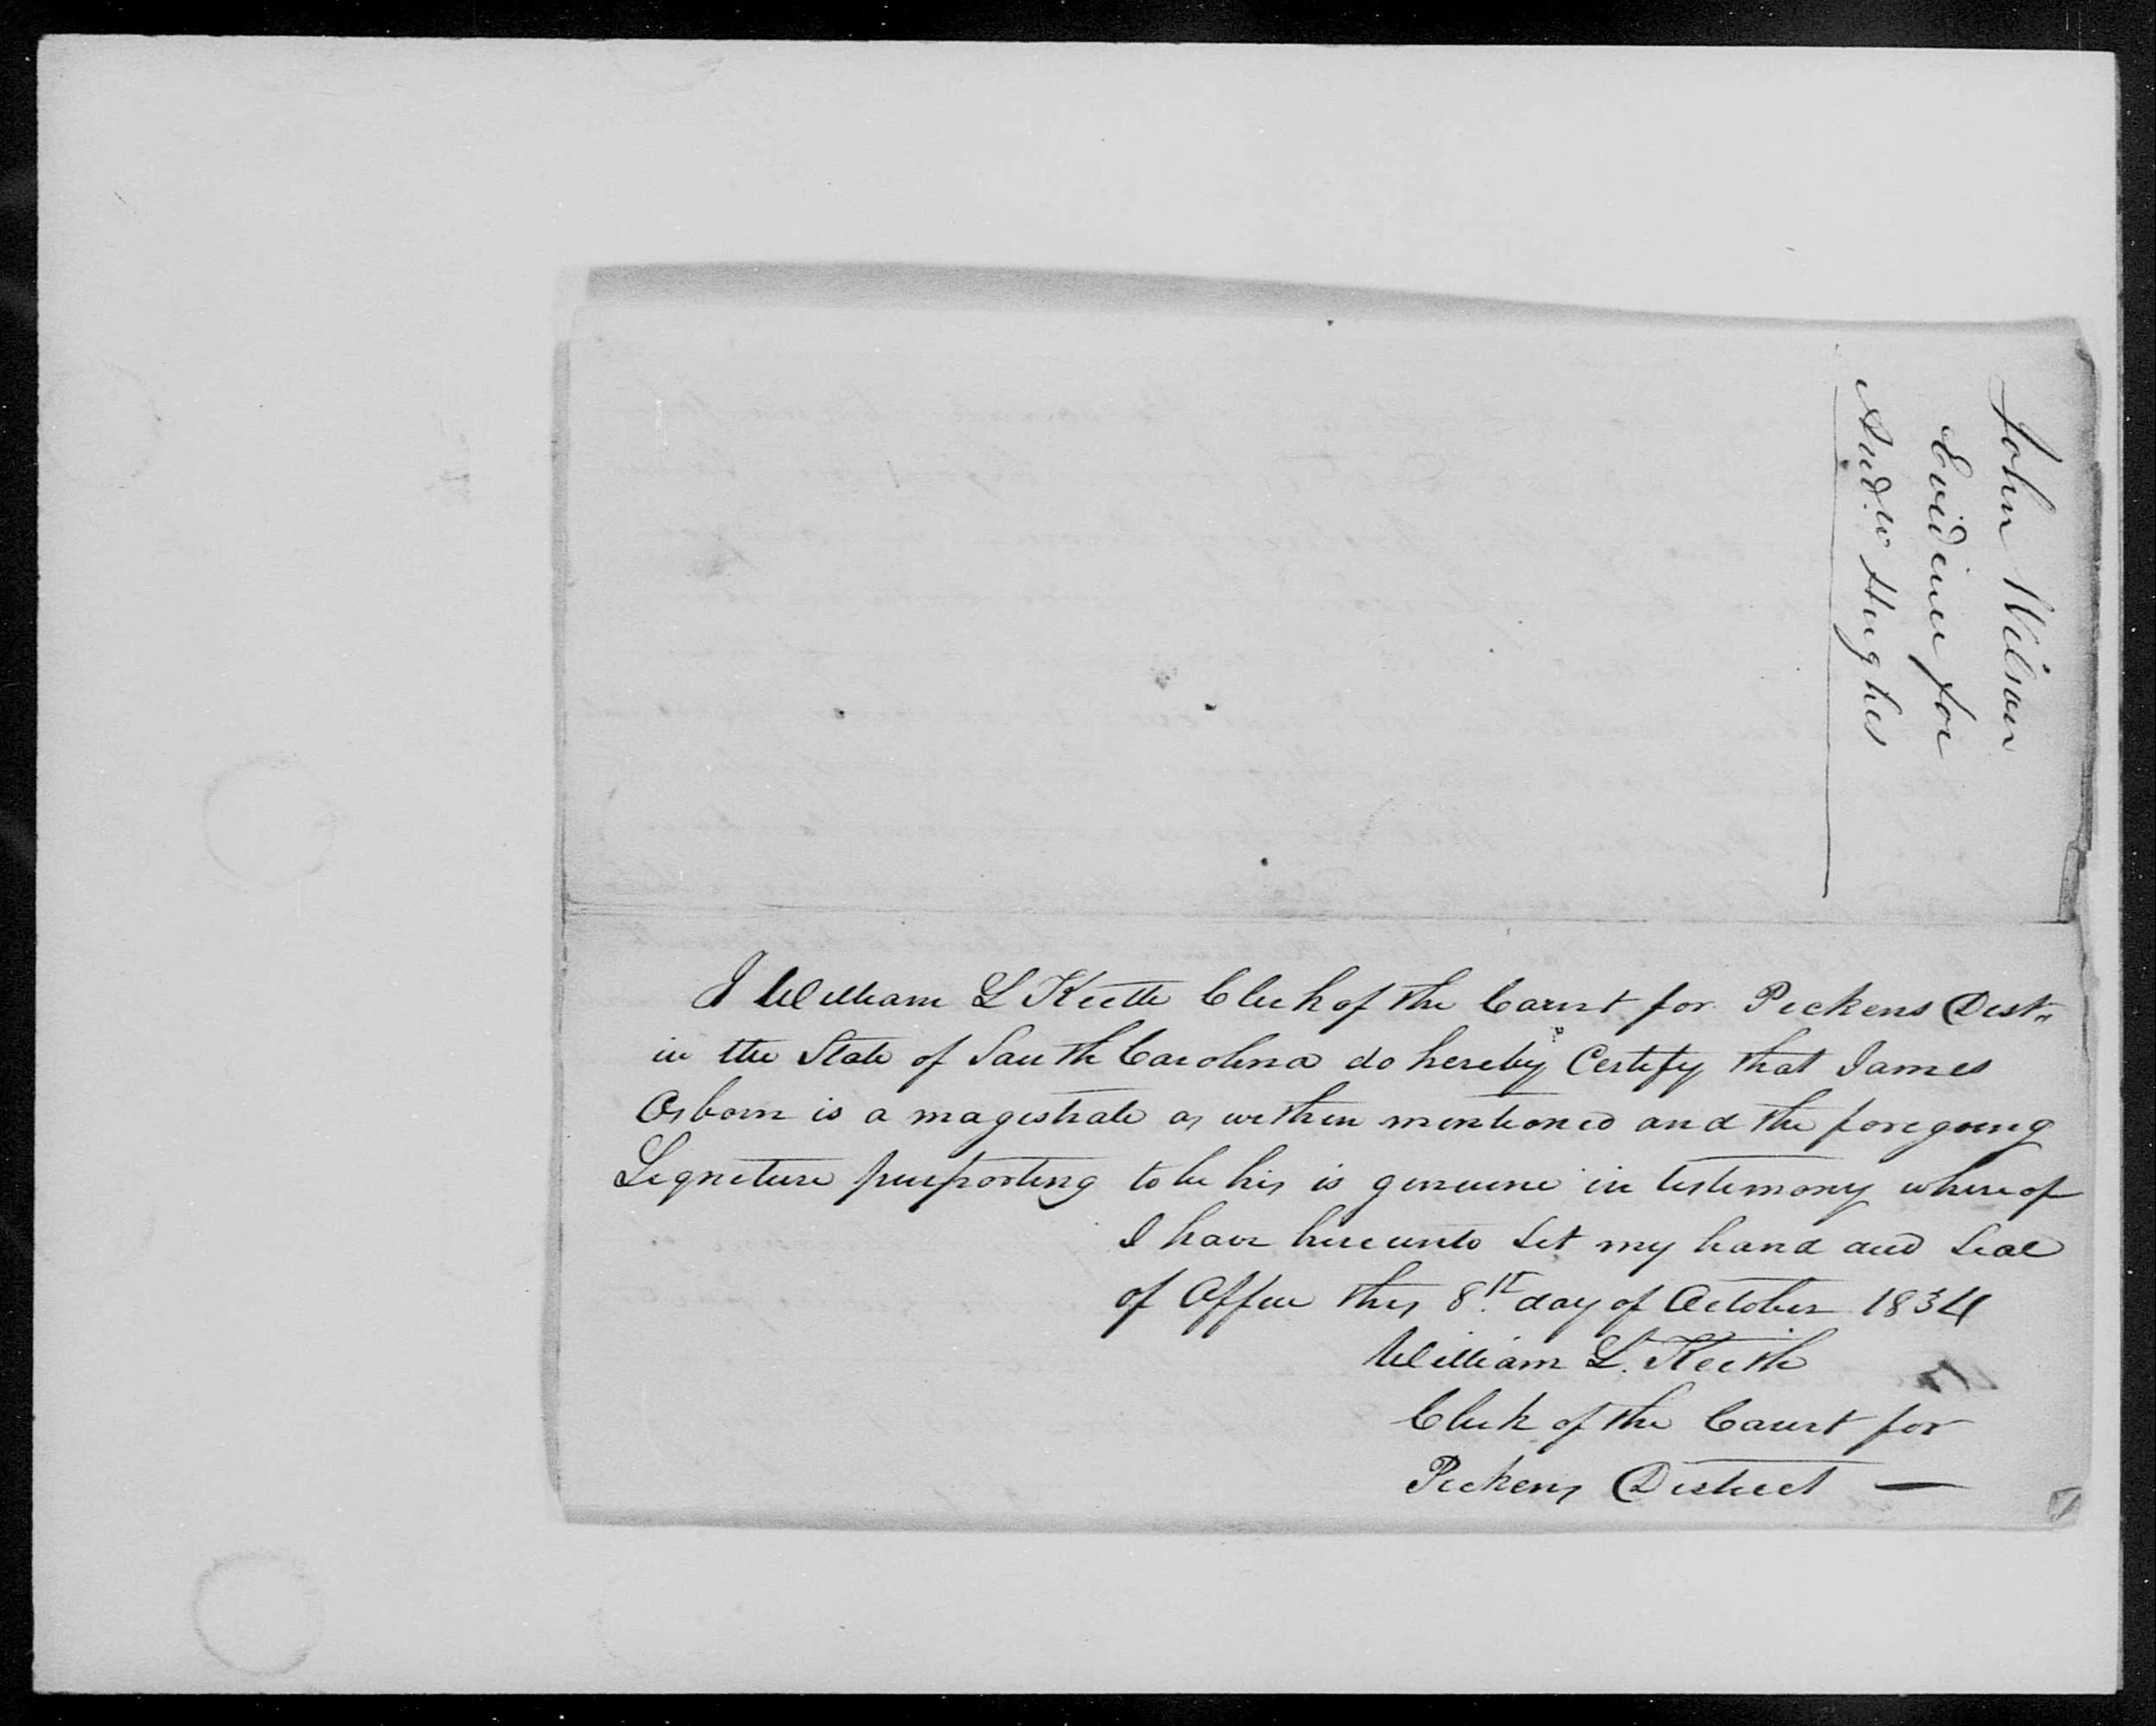John Wiliam 
Evidence for
Andw Hughes

I William L Keeth Clerk of the Court for Peckens Dist. in the State of South Carolina do hereby Certify that James Osborn is a magistrate as within mentioned and the foregoing Signature purporting to be his is genuine in testimony whereof I have hereunto let my hand and seal of affirm this 8th day of October 1834
William L. Keeth
Clerk of the Court
Peckens District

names: James Osborn, Andw Hughes, William L Keith, John Wilson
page: 60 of 75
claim: widow's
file: W. 25805, Andrew Hughes, N.C.